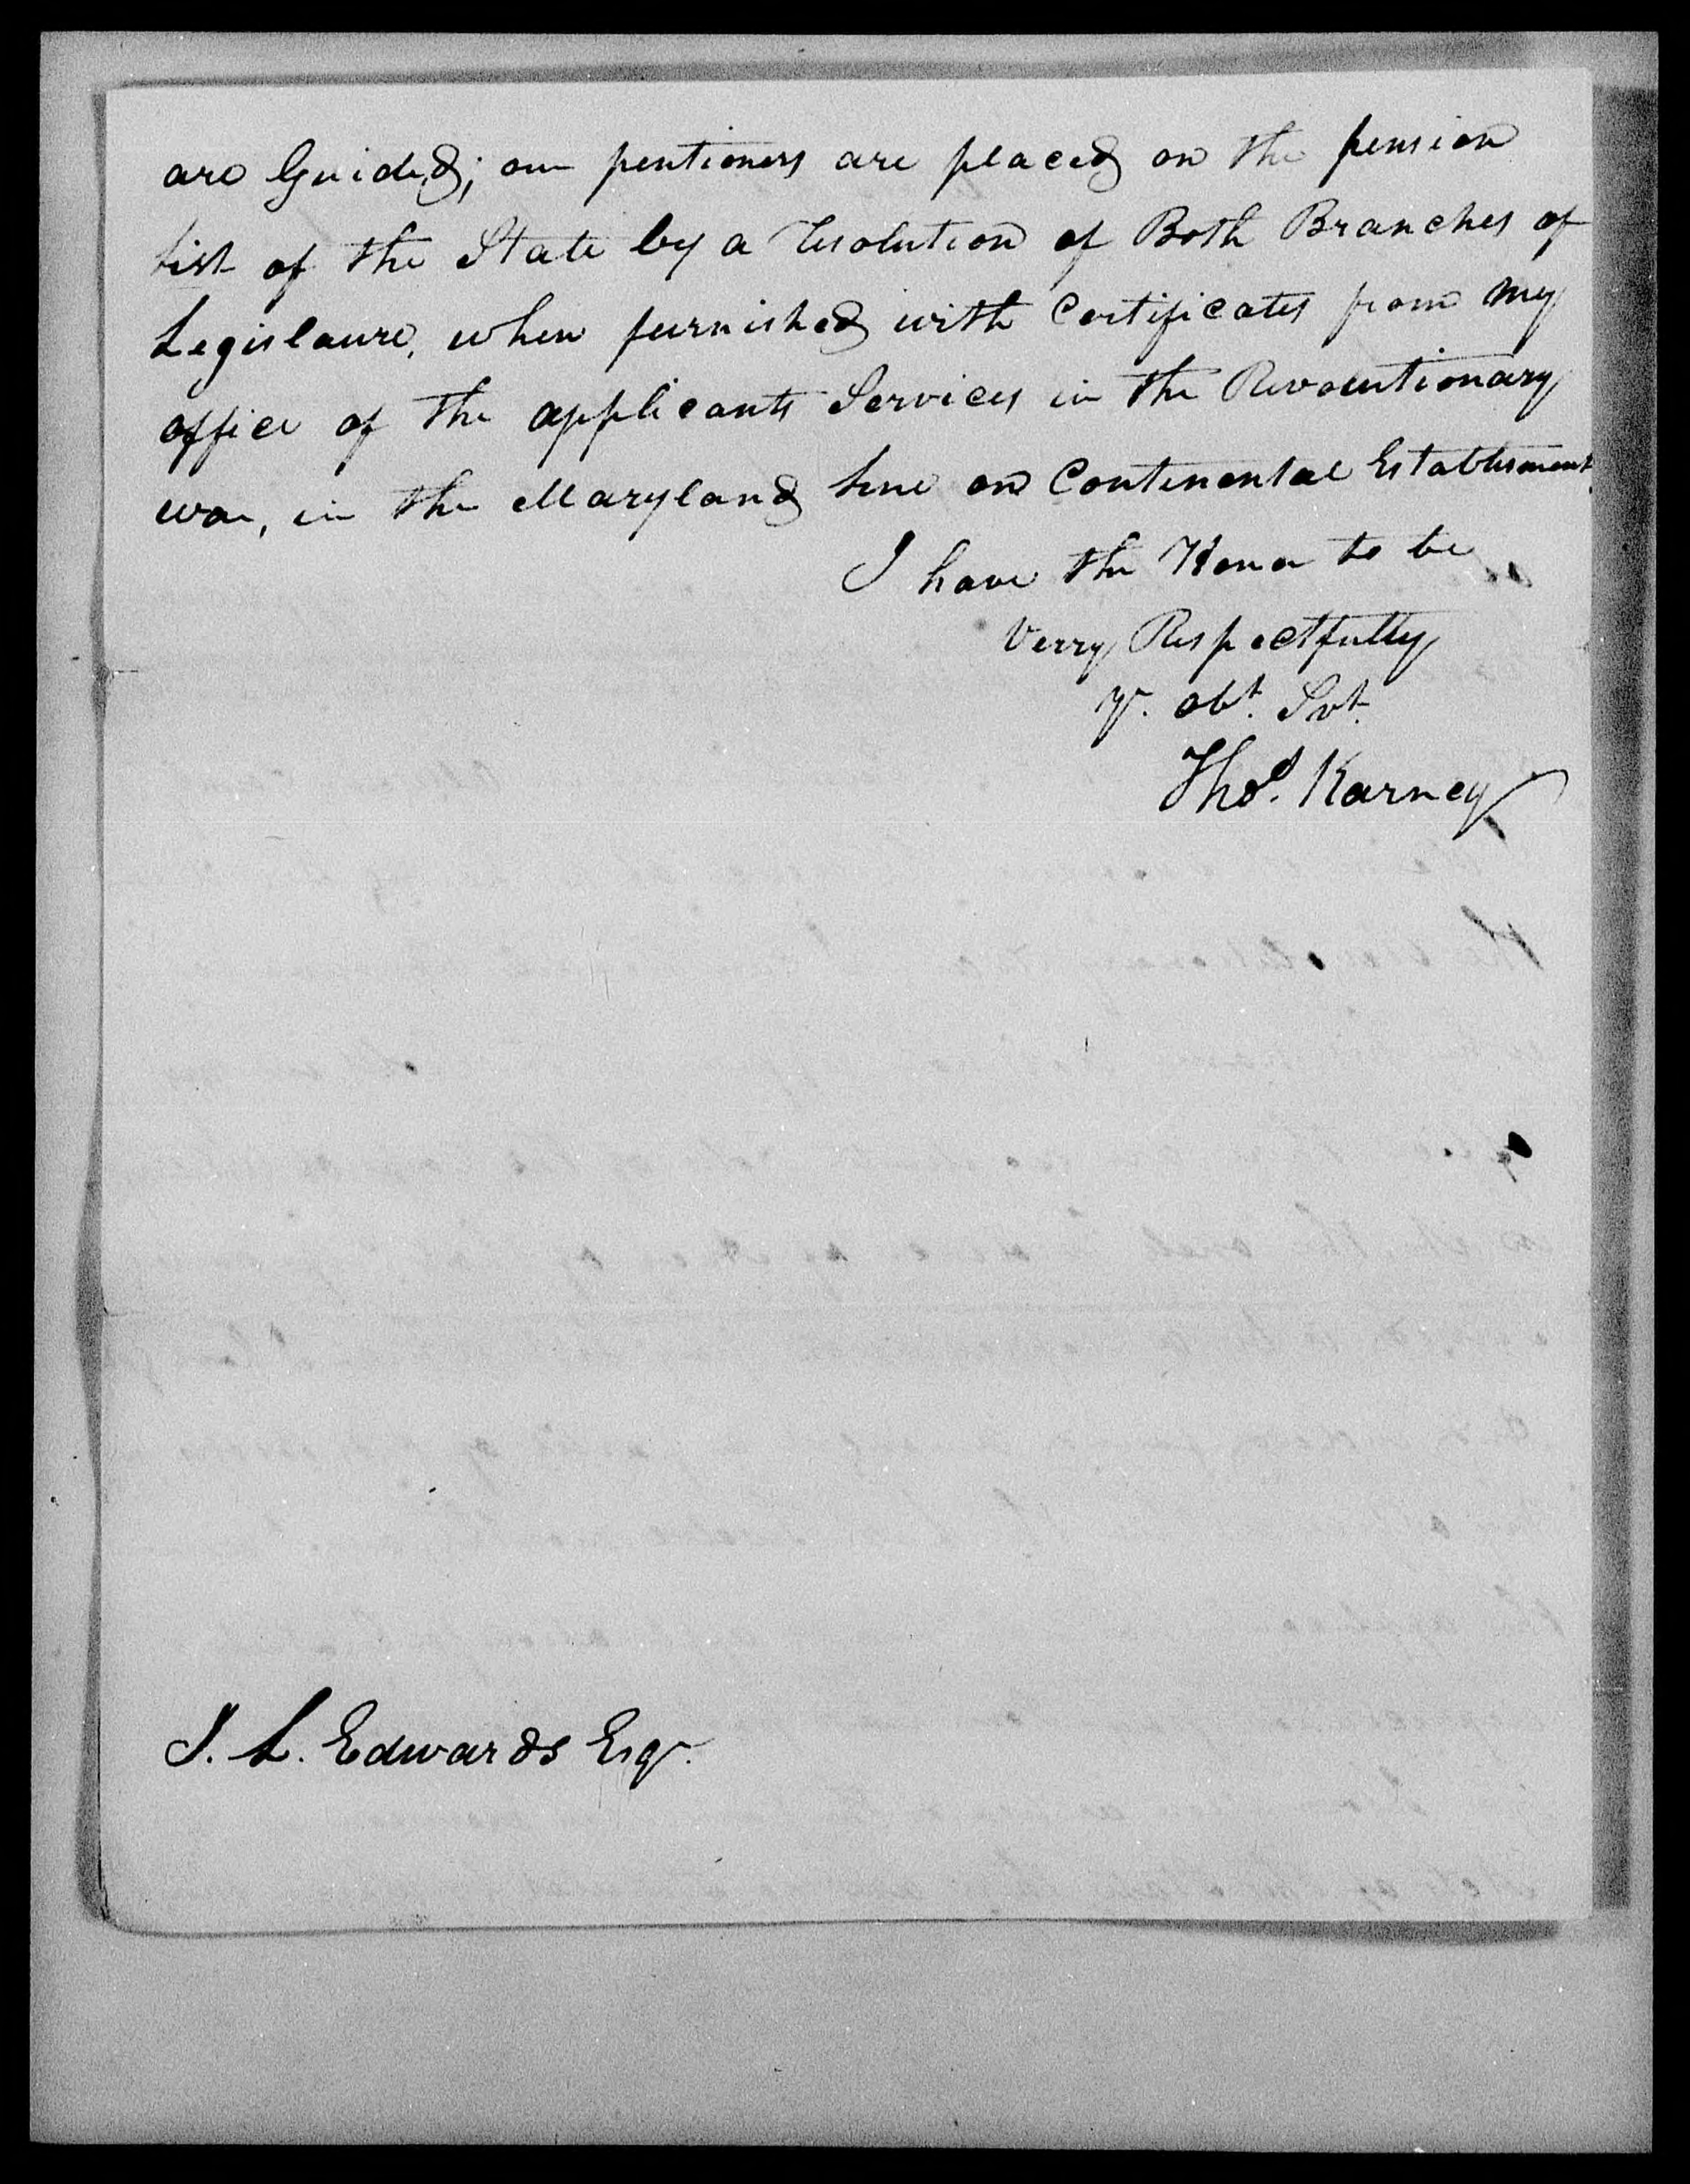are guided; our petitioners are placed on the pension list of the state by a resolution of both branches of legislature when furnished with certificates from any office of the applicant's services in the Revolutionary war in the Maryland line on continental establishment.

I have the honor to be
very respectfully
your obt servant

Thos Karney

J.L. Edwards Esqr.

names: J L Edwards; Thos Karney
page: 15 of 23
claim: survivor's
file: S 42874, for Robert Livingston, Maryland